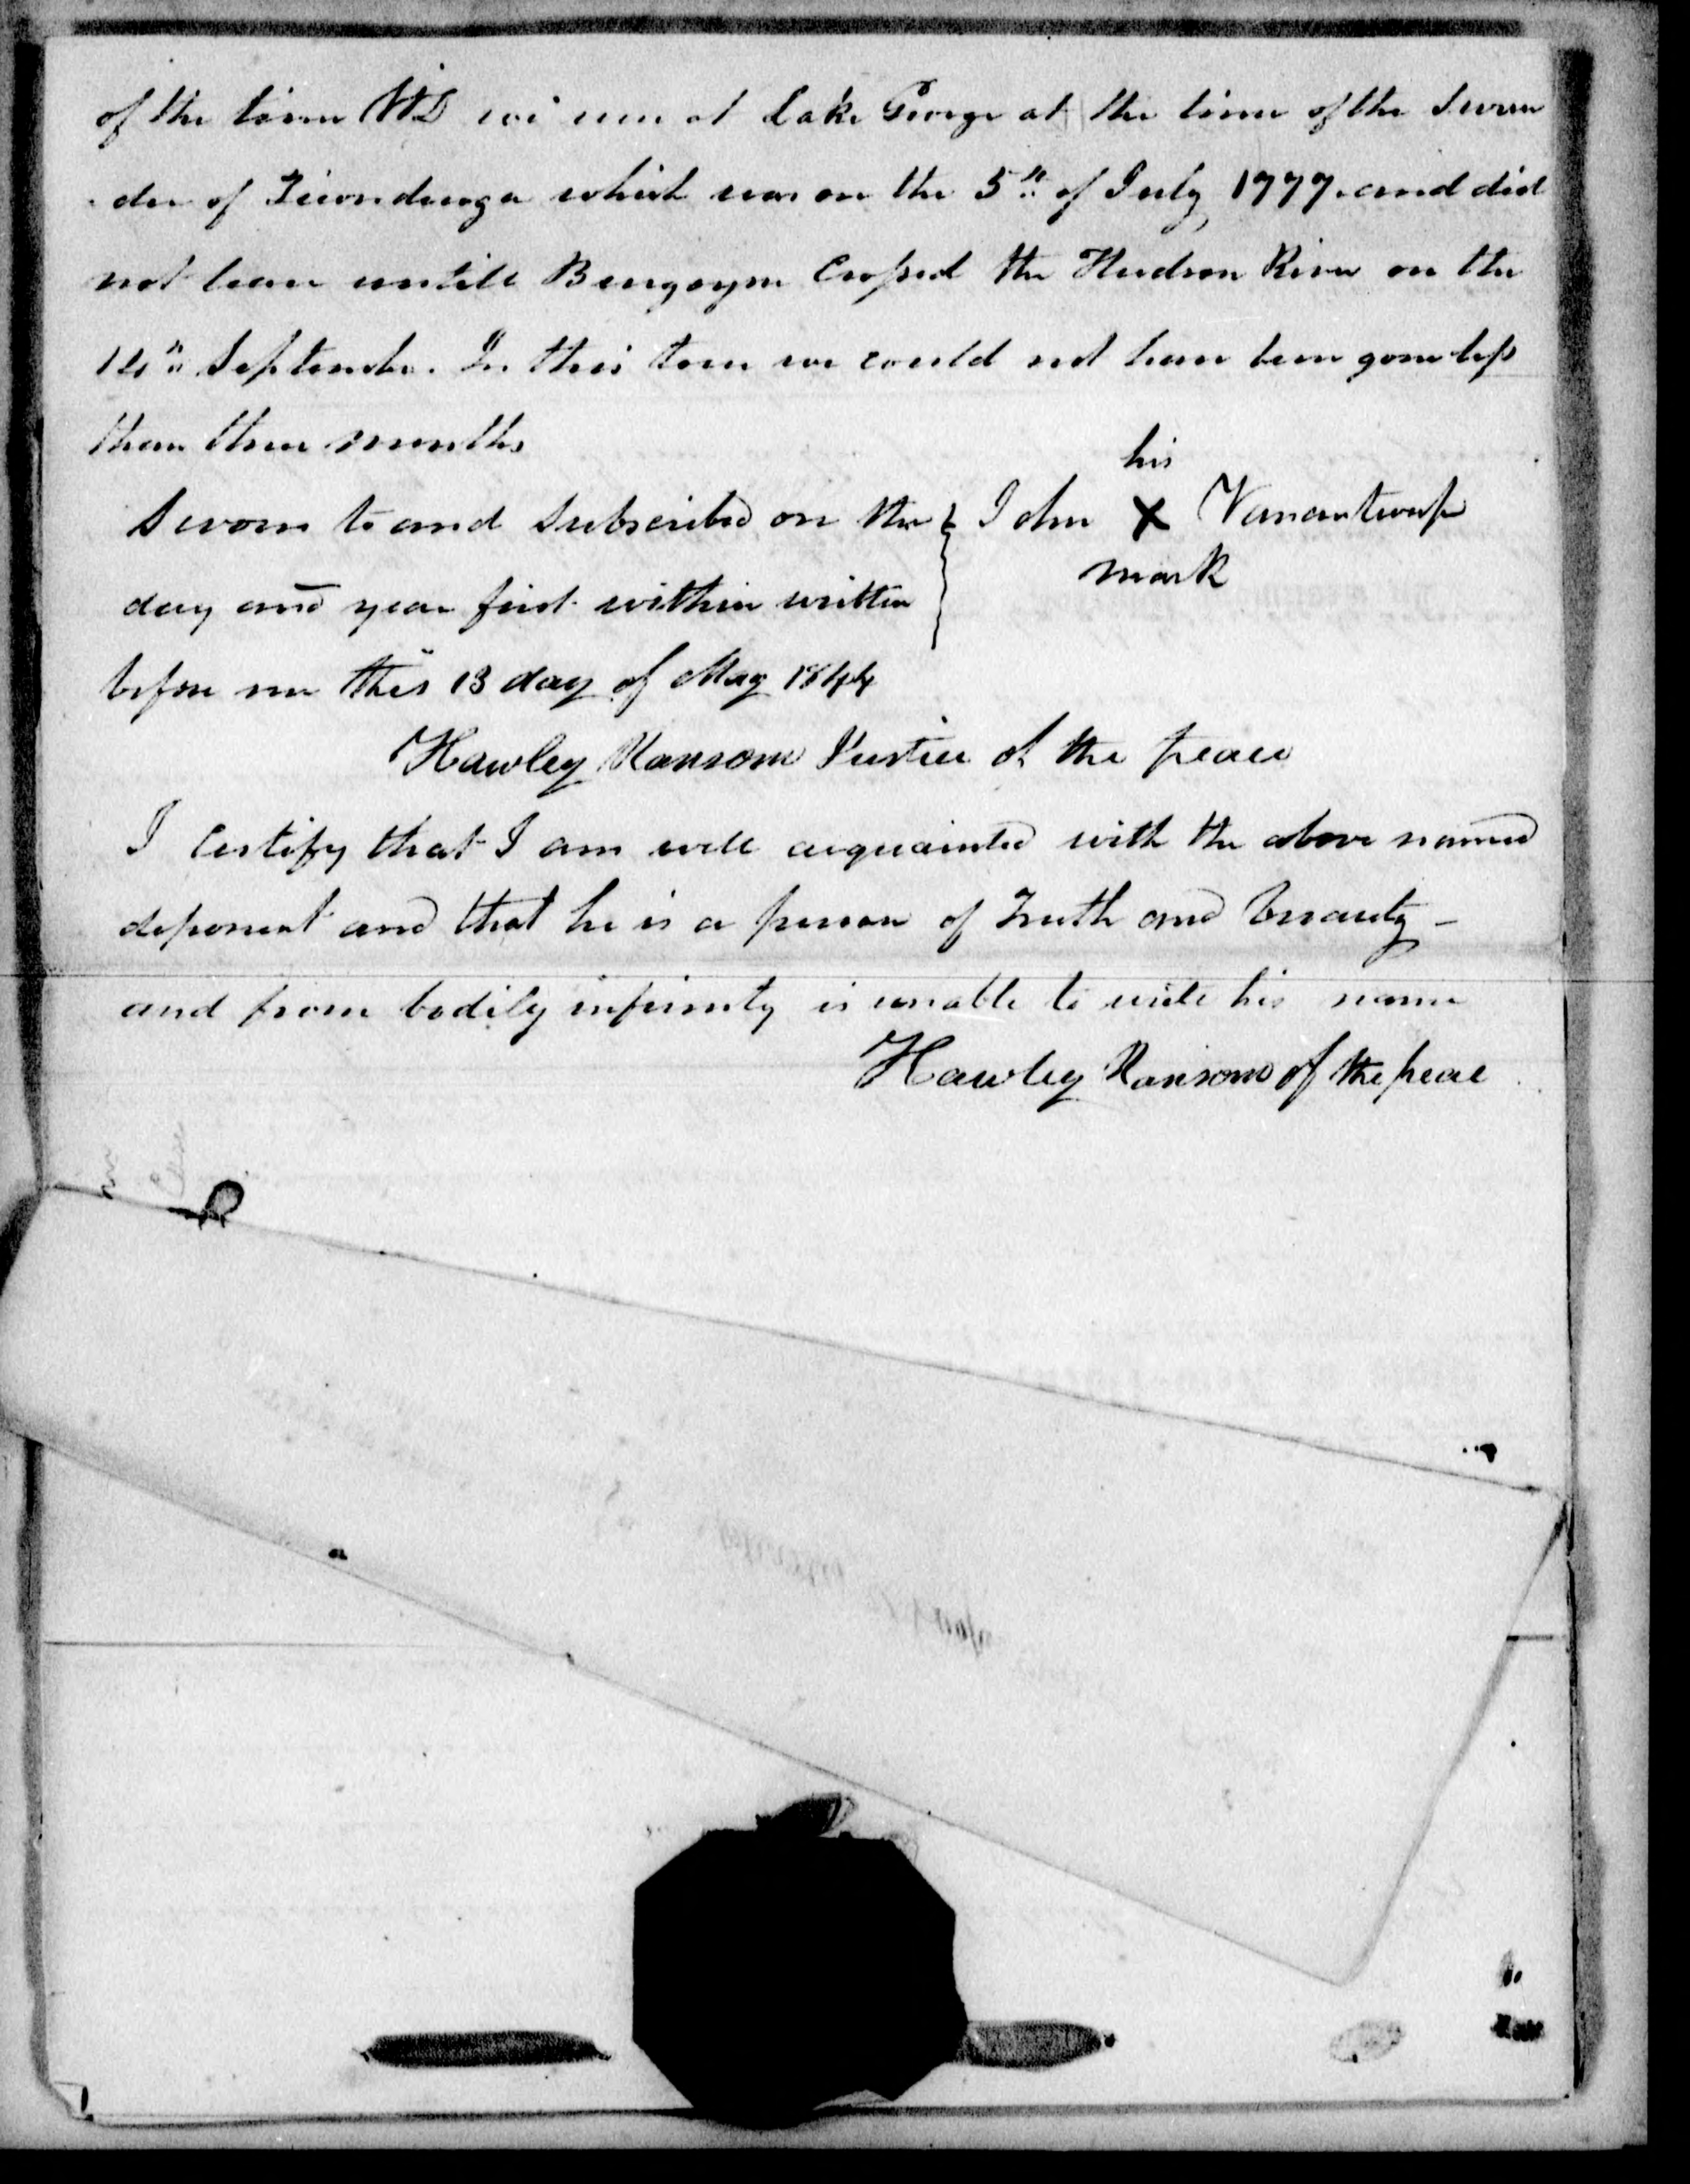of the time [illegible] we served at Lake George at the time of the surrender of Ticonderoga which was on the 5th of July 1777. and did not leave untill Burgoyne Crossed the Hudson River on the 14th September. In this town we could not have been gone less than three months

John X his mark Vanantwerp

Sworn to and subscribed on this day and year first within written before me this 13 day of May 1844
Hawley Ransom [signature] Justice of the Peace

I certify that I am well acquainted with the above named deponent and that he is a person of truth and Verasity - and from bodily infirmity is unable to write his name
Hawley Ransom [signature] of the peace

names: John Vanantwerp, Hawley Ransom, Hawley Ransom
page: 10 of 70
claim: rejected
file: R. 10,832, Martin Van Buskirk, New York.